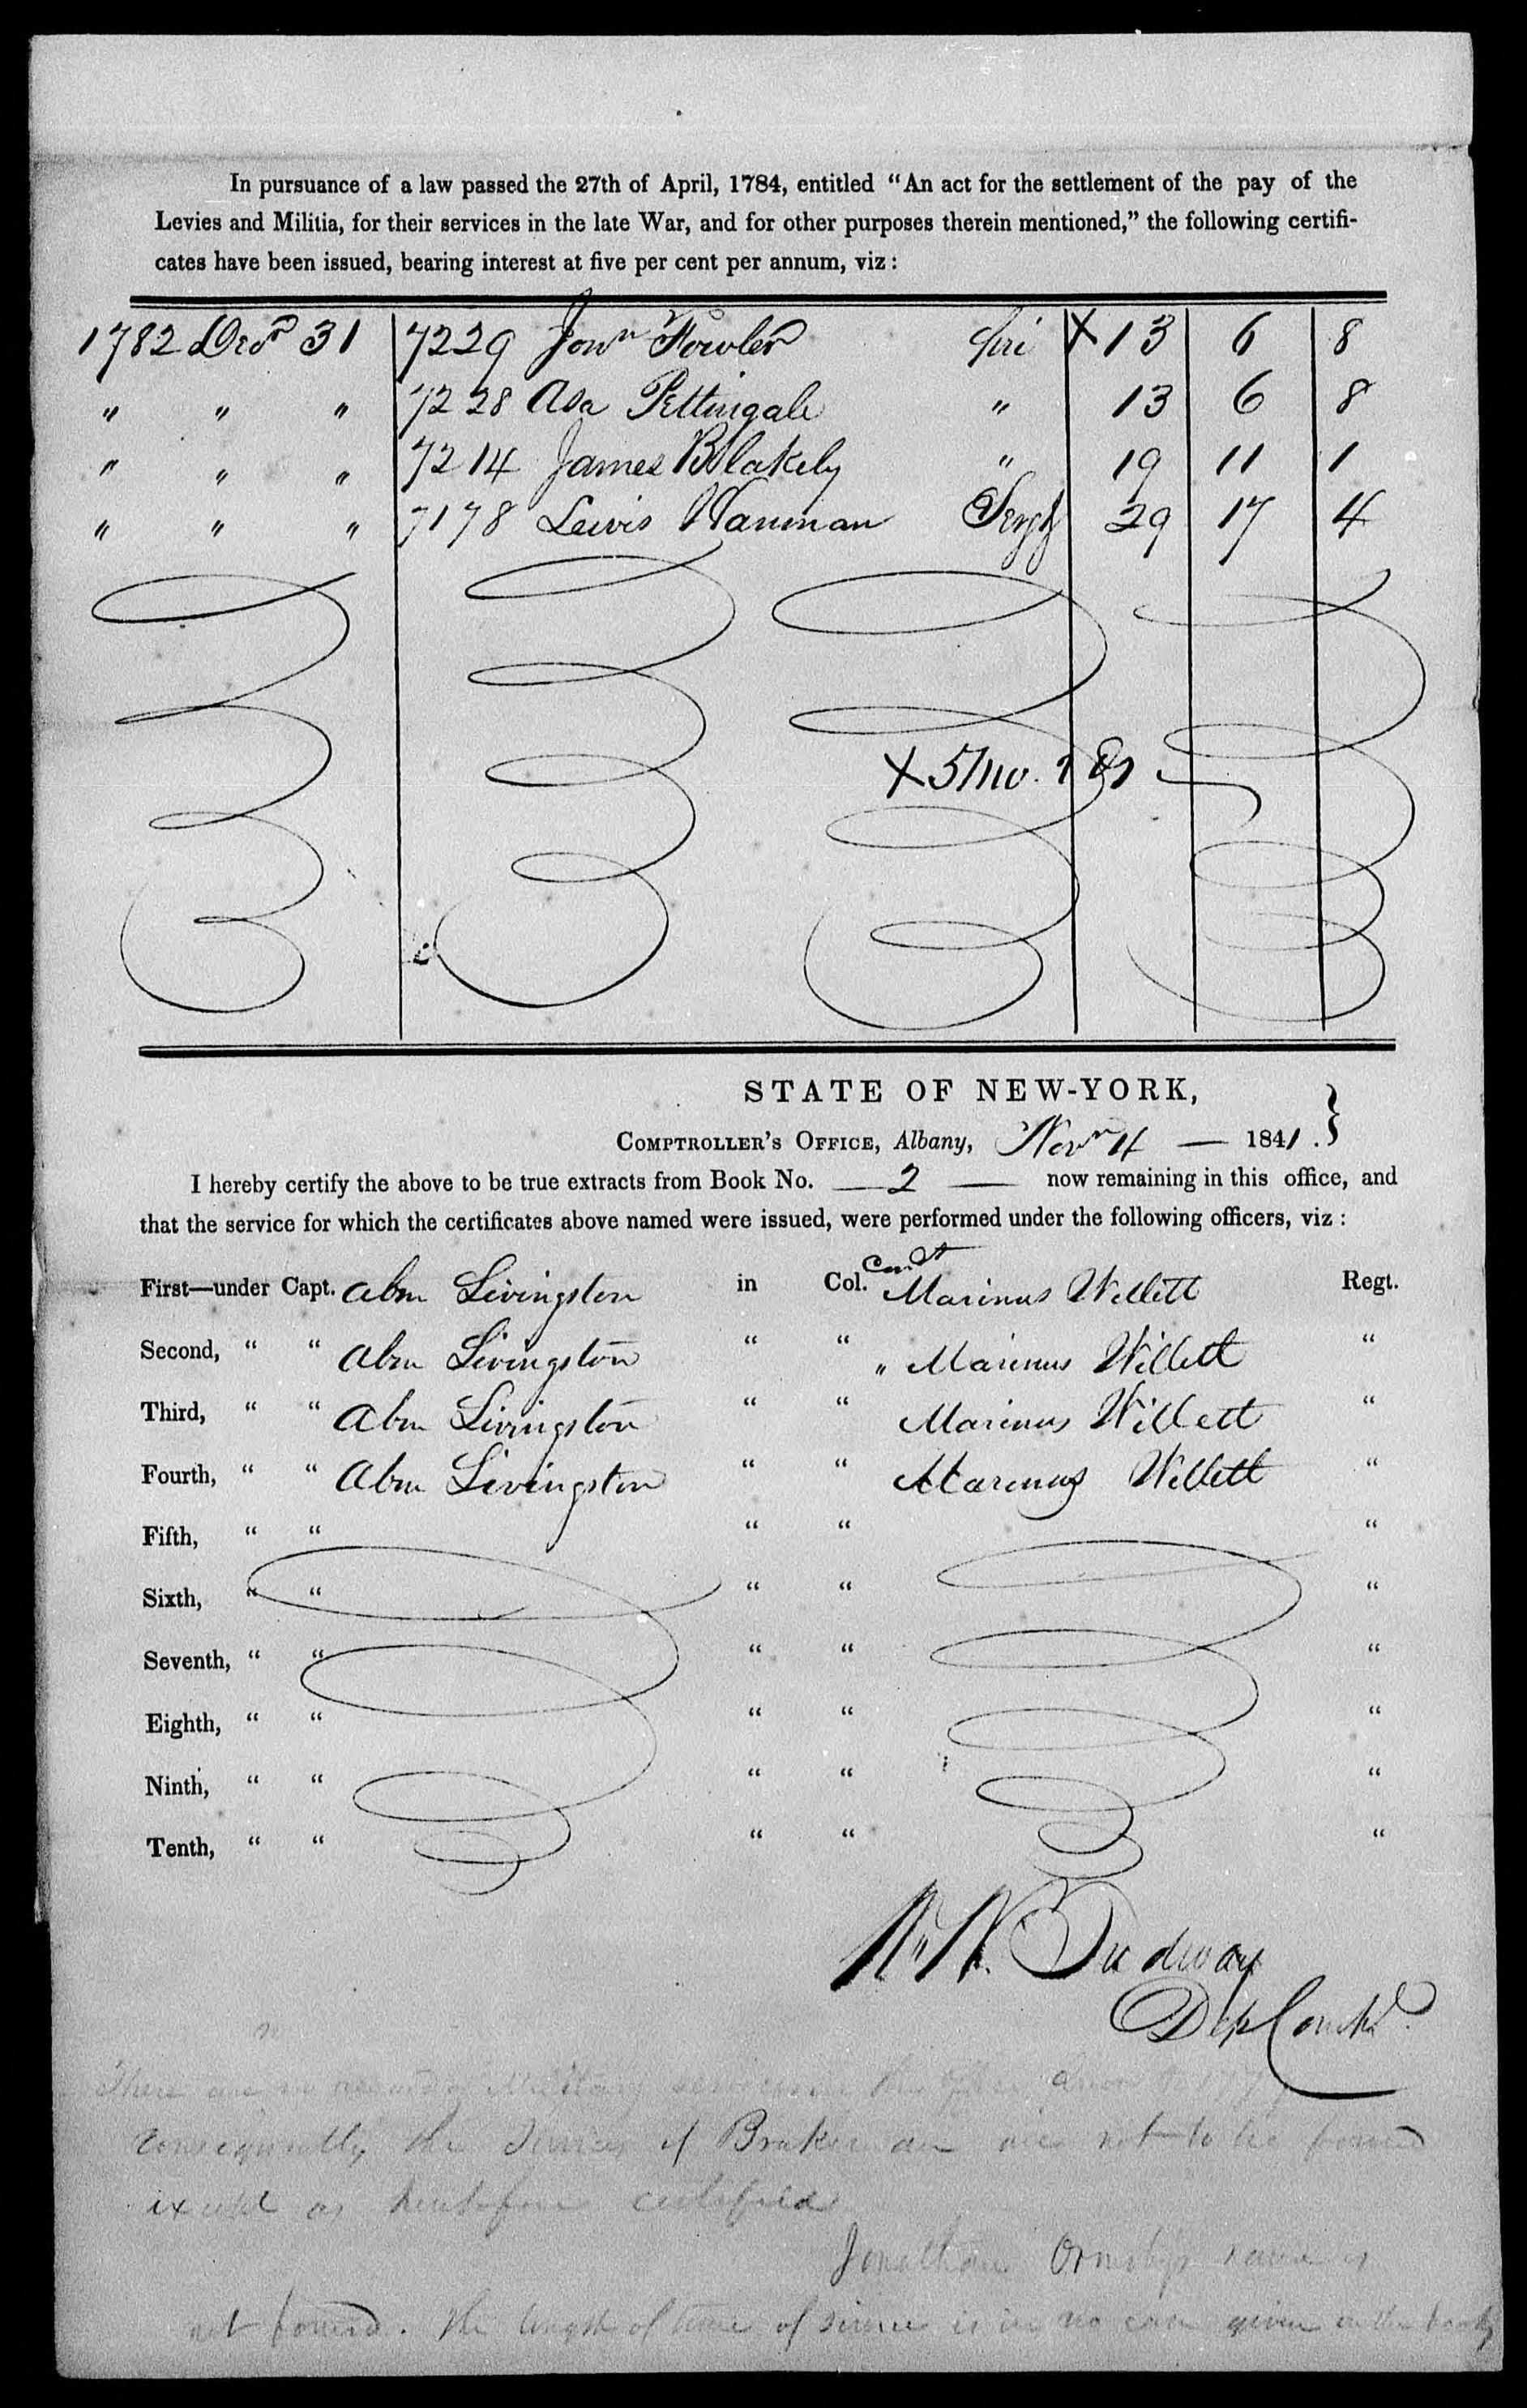In pursuance of a law passed the 27th of April, 1784, entitled "A act for the setlement of the pay of the Levies and Militia, for their services in the late War, and for other purposes therein mentioned," the following certificates hae been issued, bearing interest at five per cent per annum, viz:
1782 Dec 31 7229 Jonn Fowler [illegible] X 13 6 8
1782 Dec 31 7228 Asa Pettingale [illegible] 13 6 8
1782 Dec 31 7214 James Blakely [illegible] 19 11 1
1782 Dec 31 7178 Lewis Hanman Sergt 19 17 4
X 5 mo. 7 ds
State of New-York, Comptroller's Office, Albany, Nov 4 1841
I hereby certify the above to be true extracts from Book No. 2 now remaining in this office, and that the service for which the certificates above named were issued, were performed under the following officers, viz:
First - under Capt. Abm Livingston in Col.  [illegible] Marinus Willett Regt.
Second, under Capt. Abm Livingston in Col. Marinus Willett Regt.
Third, under Capt. Abm Livingston in Col. Marinus Willett Regt.
Fourth, under Capt. Abm Livingston in Col. Marinus Willett Regt.

W.W. Tredway Dep Clerk

There are no records of Military services in the office from to 1777 consequently the services of Brakerman are not to be found  [illegible] as heretofore certified.
Jonathan Ormsby's name not found. The length of time of service is in no case given in the book.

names: Abm Livingston, Jona Fowler, James Blakely, Marinus Wellett, Lewis Hanman, Marinus Wellett, Abm Livingston, Marinus Wellett, Marinus Wellett, Abm Livingston, Abm Livingston, Jonathan Ormsby, W W Tredway, Asa Pettingale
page: 28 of 44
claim: survivor's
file: S. 23639, Jonathan Fowler, New York